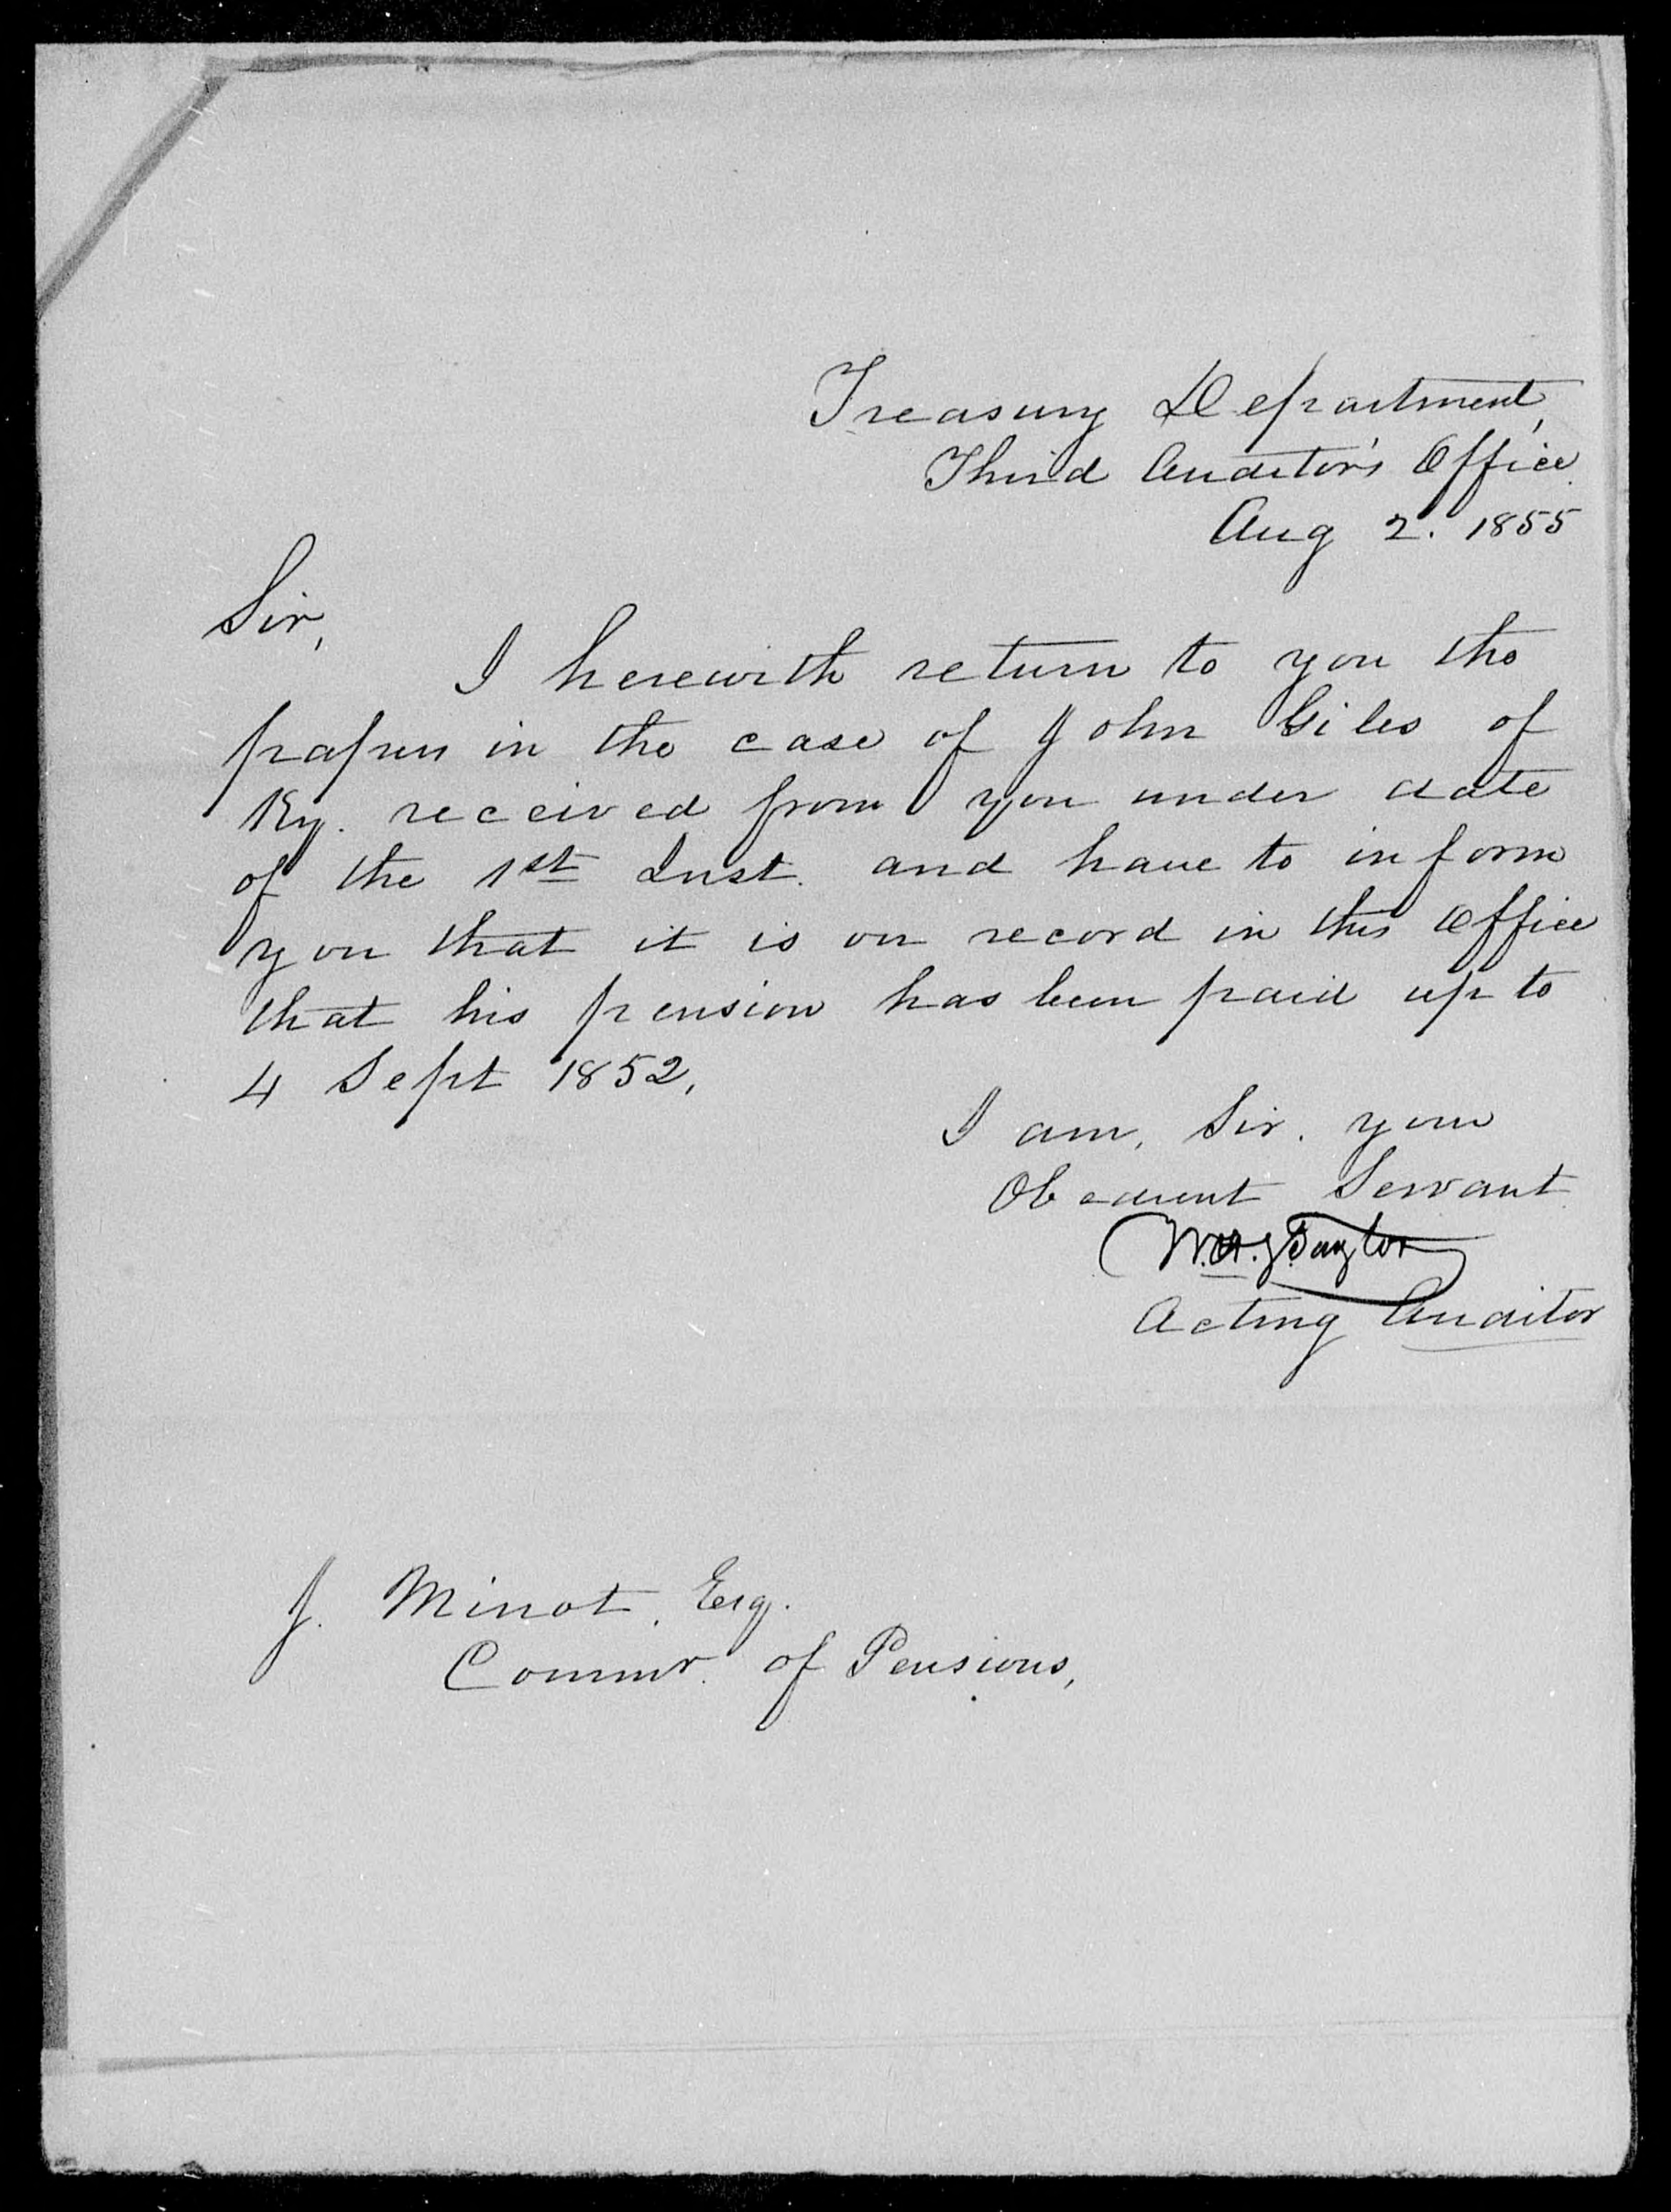Treasury Department
Third Auditor's Office
Aug. 2. 1855

Sir, 
I herewith return to you the papers in the case of John Giles of Ky. recieved from you under date of the 1st Augt. and have to inform you that it is on record in this office that his pension has been paid up to 4 Sept 1852.
I am, Sir, your Obedient Servant
W.H. Taylor
acting auditor

J. Minot Esq.
Commr (Commissioner) of Pensions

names: W H Taylor, John Giles, J Minot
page: 73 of 82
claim: widow's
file: W. 7,522, John Giles, N.C.